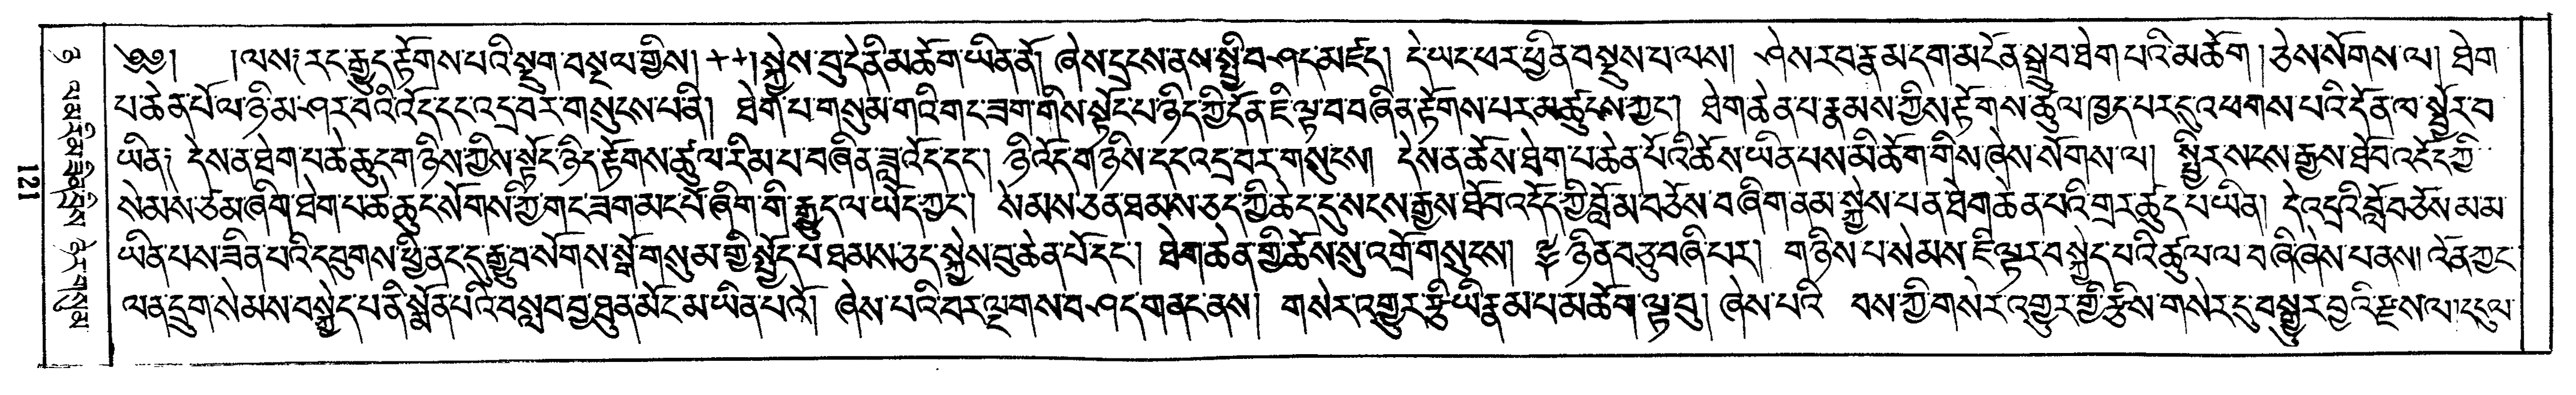༄༅། །ལས། རང་རྒྱུད་རྟོགས་པའི་སྡུག་བསྔལ་གྱིས། །སྐྱེས་བུ་དེ་ནི་མཆོག་ཡིན་ནོ། ཞེས་དྲངས་ནས་སྤྱི་བཤད་མཛད། དེ་ཡང་ཕར་ཕྱིན་བསྡུས་པ་ལས། ཤེས་རབ་རྣམ་དག་མངོན་སྒྲུབ་ཐེག་པའི་མཆོག །ཅེས་སོགས་ལ། ཐེག་
པ་ཆེན་པོ་ལ་ཉི་མ་ཤར་བའི་འོད་དང་འདྲ་བར་གསུངས་པ་ནི། ཐེག་པ་གསུམ་ཀའི་གང་ཟག་གིས་སྟོང་པ་ཉིད་ཀྱི་དོན་ཇི་ལྟ་བ་བཞིན་རྟོགས་པར་མཚུངས་ཀྱང་། ཐེག་ཆེན་པ་རྣམས་ཀྱིས་རྟོགས་ཚུལ་ཁྱད་པར་དུ་འཕགས་པའི་དོན་ལ་སྦྱོར་བ་
ཡིན༑ དེས་ན་ཐེག་པ་ཆེ་ཆུང་གཉིས་ཀྱིས་སྟོང་ཉིད་རྟོགས་ཚུལ་རིམ་པ་བཞིན་ཟླ་འོད་དང་། ཉི་འོད་གཉིས་དང་འདྲ་བར་གསུངས། དེས་ན་ཆོས་ཐེག་པ་ཆེན་པོའི་ཆོས་ཡིན་པས་མི་ཆོག་གིས་ཞེས་སོགས་ལ། སྤྱིར་སངས་རྒྱས་ཐོབ་འདོད་ཀྱི་
སེམས་ཙམ་ཞིག་ཐེག་པ་ཆེ་ཆུང་སོགས་ཀྱི་གང་ཟག་མང་པོ་ཞིག་གི་རྒྱུད་ལ་ཡོད་ཀྱང་། སེམས་ཅན་ཐམས་ཅད་ཀྱི་ཆེད་དུ་སངས་རྒྱས་ཐོབ་འདོད་ཀྱི་བློ་མ་བཅོས་པ་ཞིག་ནམ་སྐྱེས་བ་ན་ཐེག་ཆེན་པའི་གྲར་ཚུད་པ་ཡིན། དེ་འདྲའི་བློ་བཅོས་མ་མ་
ཡིན་པས་ཟིན་པའི་དབུགས་ཕྱི་ནང་དུ་རྒྱུ་བ་སོགས་སྒོ་གསུམ་གྱི་སྤྱོད་པ་ཐམས་ཅད་སྐྱེས་བུ་ཆེན་པོ་དང་། ཐེག་ཆེན་གྱི་ཆོས་སུ་འགྲོ་གསུངས། ༈ ཉིན་བཅུ་བཞི་པར། གཉིས་པ་སེམས་ཇི་ལྟར་བསྐྱེད་པའི་ཚུལ་ལ་བཞི་ཞེས་པ་ནས། འོན་ཀྱང་
ལན་དྲུག་སེམས་བསྐྱེད་པ་ནི་སྨོན་པའི་བསླབ་བྱ་ཐུན་མོང་མ་ཡིན་པའོ། ཞེས་པའི་བར་ལྗགས་བཤད་གནང་ནས། གསེར་འགྱུར་རྩི་ཡི་རྣམ་པ་མཆོག་ལྟ་བུ། ཞེས་པའི་སྐབས་ཀྱི་གསེར་འགྱུར་གྱི་རྩིས་གསེར་དུ་བསྒྱུར་བྱའི་རྫས་ལ། དངུལ་